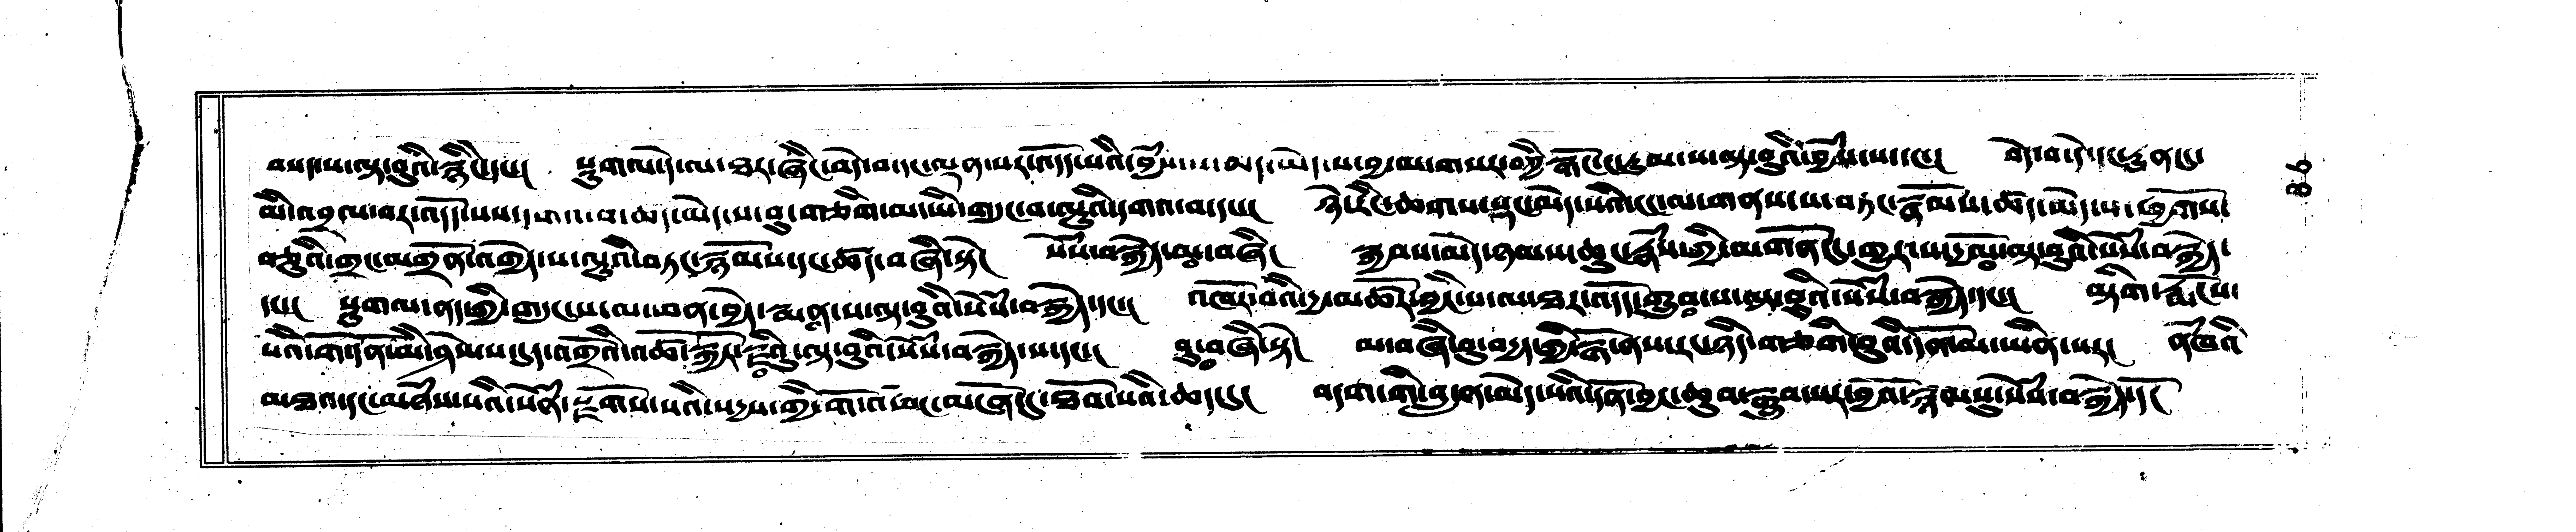བསད་པ་ལྟ་བུའི་སྙིང་རྗེ་དང་། སྡུག་བསྔལ་དེ་ལས་ཐར་ཞིང་བདེ་བ་དང་ལྡན་པར་འདོད་པའི་བྱམས་པ་ཚད་མེད་པ་བྱ་མ་གསར་གྱི་སྒོ་ང་རུམ་པ་ལྟ་བུའི་བྱམས་པ་དང་། བདེ་བ་དེ་དང་རྒྱུན་དུ་
མི་འབྲལ་བར་འདོད་པས་དགའ་བ་ཚད་མེད་པ་བུ་གཅིག་མ་ཡིས་གདུང་བ་ལྟ་བུའི་དགའ་བ་དང་། ཉེ་རིང་ཆགས་སྡང་མེད་པའི་ངང་ལ་གནས་པ་བཏང་སྙོམས་ཚད་མེད་པ་ཕྱོགས་
བཅུའི་གྲངས་མགྲོན་འགྱེད་པ་ལྟ་བུའི་བཏང་སྙོམས་དང་ཚད་མེད་པ་དང་ཚད་མེད་བཞི་སྟེ། སེམས་བསྐྱེད་མ་བཞི། སྐྱབས་མེད་ཉམ་ཆུང་རྣམས་ཀྱི་མགོན་དུ་གྱུར་པ་རྒྱལ་པོ་ལྟ་བུའི་སེམས་བསྐྱེད་
དང་། སྡུག་བསྔལ་ནད་ཀྱིས་གདུང་བ་ལ་ཕན་བྱེད་སྨན་ལྟ་བུའི་སེམས་བསྐྱེད་དང་། འཁོར་བའི་རྒྱ་མཚོར་བྱིངས་པ་ལ་ཐར་འདོད་གྲུ་པ་ལྟ་བུའི་སེམས་བསྐྱེད་དང་། མི་རྟག་པ་རྨོངས་
པས་གོ་དོན་མི་ཤེས་པ་དུད་འགྲོའི་འཚོ་སྐྱོར་རྫིའུ་ལྟ་བུའི་སེམས་བསྐྱེད་པ་དང་། བུ་བཞི་སྟེ། མ་བཞི་བུ་བརྒྱད་ཀྱི་སྒོ་ནས་རང་ཉིད་གཅིག་པུའི་དོན་མ་ཡིན་པར། ནམ་མཁའི་
མཐའ་དང་མཉམ་པའི་སེམས་ཅན་རྫོགས་པའི་སངས་རྒྱས་ཀྱི་གོ་འཕང་མངོན་དུ་ཐོབ་པའི་ཆེད་དུ། བདག་གིས་བླ་ན་མེད་པའི་དོན་བྱང་ཆུབ་བསྒྲུབ་པར་བྱའོ་སྙམ་དུ་སེམས་བསྐྱེད་དོ། །